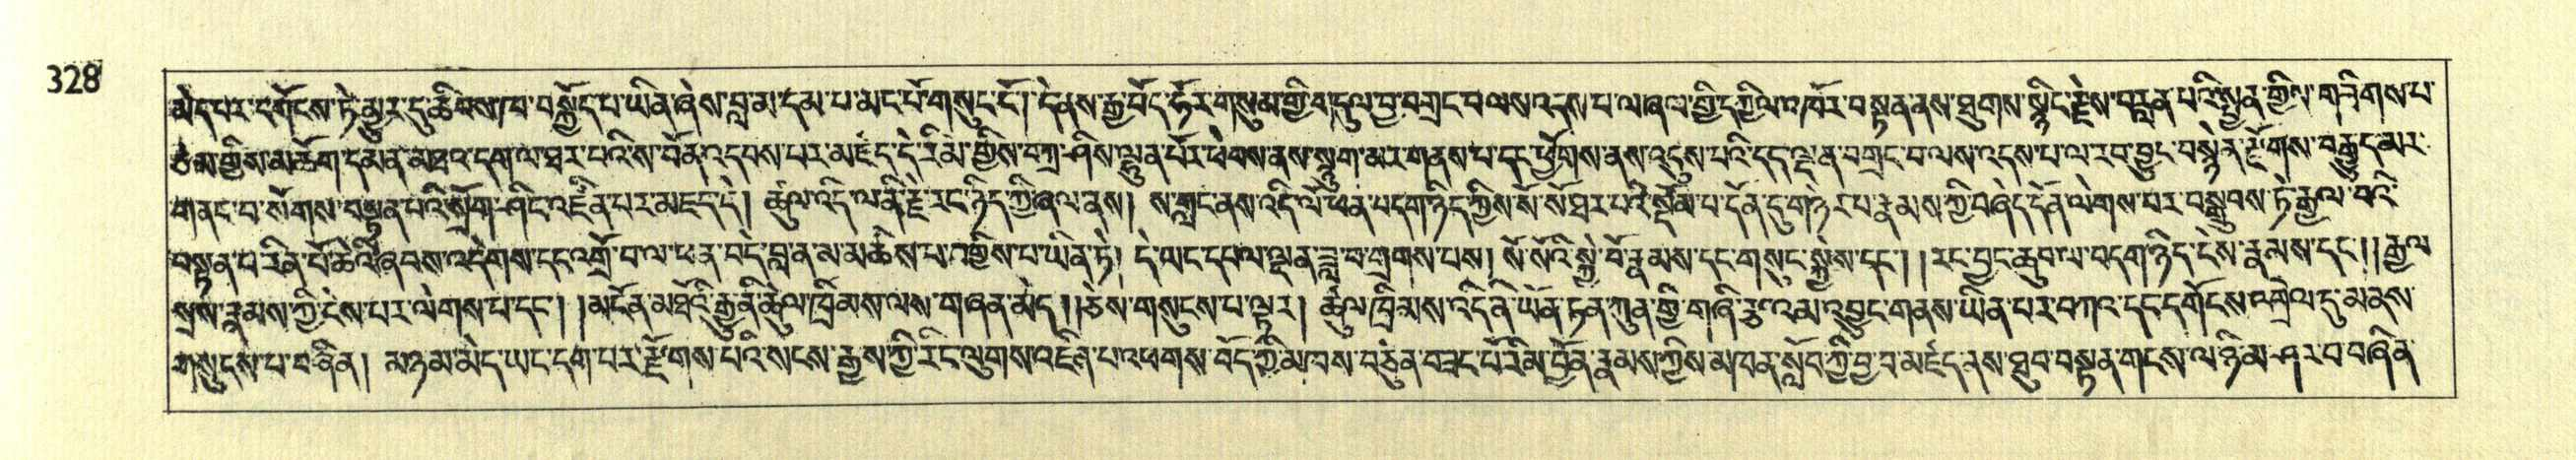མེད་པར་དགོངས་ཏེ་མྱུར་དུ་ཆིབས་ཁ་བསྐྱོད་པ་ཡིན་ཞེས་བླ་མ་དམ་པ་མང་པོ་གསུང་ངོ། དེ་ནས་རྒྱ་བོད་ཧོར་གསུམ་གྱི་གདུལ་བྱ་བགྲང་བ་ལས་འདས་པ་ལ་ཞལ་གྱི་དཀྱིལ་འཁོར་བསྟན་ནས་ཐུགས་སྙིང་རྗེས་བརླན་པའི་སྤྱན་གྱིས་གཟིགས་པ་
ཙམ་གྱིས་མཆོག་དམན་མཐའ་དག་ལ་ཐར་པའི་ས་བོན་འདབས་པར་མཛད་དེ་རིམ་གྱིས་བཀྲ་ཤིས་ལྷུན་པོར་ཕེབས་ནས་སྙུག་མར་གནས་པ་དང་ཕྱོགས་ནས་འདུས་པའི་དད་ལྡན་བགྲང་བ་ལས་འདས་པ་ལ་རབ་བྱུང་བསྙེན་རྫོགས་བརྒྱུད་མར་
གནང་བ་སོགས་བསྟན་པའི་སྲོག་ཤིང་འཛིན་པར་མཛད་དེ། ཚུལ་འདི་ལ་ནི་རྗེ་རང་ཉིད་ཀྱི་ཞལ་ནས། ས་གླང་ནས་འདི་ལོ་ཕན་བདག་ཉིད་ཀྱིས་སོ་སོ་ཐར་པའི་སྡོམ་པ་དོན་དུ་གཉེར་པ་རྣམས་ཀྱི་བཞེད་དོན་ལེགས་པར་བསྒྲུབས་ཏེ་རྒྱལ་བའི་
བསྟན་པ་རིན་པོ་ཆེའི་ཞབས་འདེགས་དང་འགྲོ་བ་ལ་ཕན་བདེ་བླ་ན་མ་མཆིས་པ་འགྱིས་པ་ཡིན་ཏེ། དེ་ཡང་དཔལ་ལྡན་ཟླ་བ་གྲགས་པས། སོ་སོའི་སྐྱེ་བོ་རྣམས་དང་གསུང་སྐྱེས་དང་། །རང་བྱང་ཆུབ་ལ་བདག་ཉིད་ངེས་རྣམས་དང་། །རྒྱལ་
སྲས་རྣམས་ཀྱི་ངེས་པར་ལེགས་པ་དང་། །མངོན་མཐོའི་རྒྱུ་ནི་ཚུལ་ཁྲིམས་ལས་གཞན་མེད། །ཅེས་གསུངས་པ་ལྟར། ཚུལ་ཁྲིམས་འདི་ནི་ཡོན་ཏན་ཀུན་གྱི་གཞི་རྩའམ་འབྱུང་གནས་ཡིན་པར་བཀའ་དང་དགོངས་འགྲེལ་དུ་མནས་
གསུངས་པ་བཞིན། མཉམ་མེད་ཡང་དག་པར་རྫོགས་པའི་སངས་རྒྱས་ཀྱི་རིང་ལུགས་འཛིན་པ་འཕགས་བོད་ཀྱི་མཁས་བཙུན་བཟང་པོ་རིམ་བྱོན་རྣམས་ཀྱིས་མཁན་སློབ་ཀྱི་བྱ་བ་མཛད་ནས་ཐུབ་བསྟན་གངས་ལ་ཉི་མ་ཤར་བ་བཞིན་